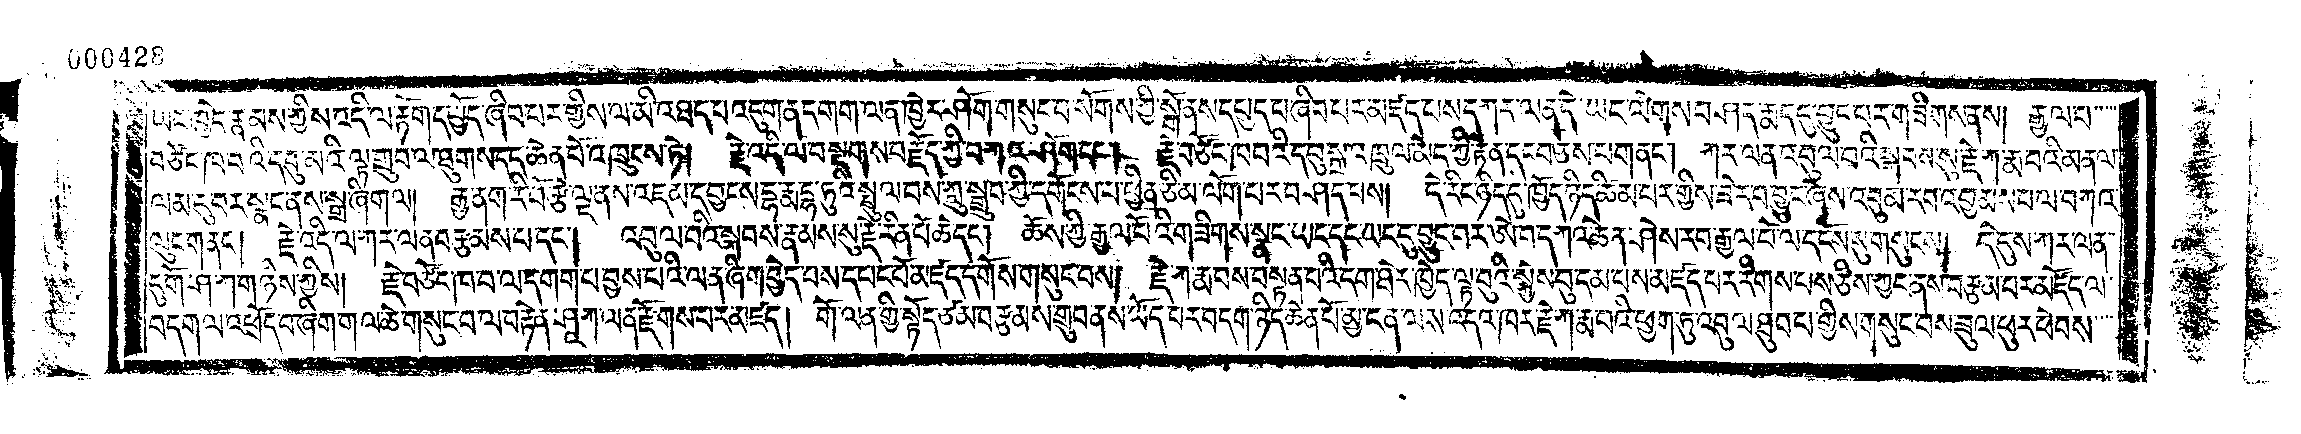ཡང་ཁྱེད་རྣམས་ཀྱིས་འདི་ལ་རྟོག་དཔྱོད་ཞིབ་བར་གྱིས་ལ་མི་འཐད་པ་འདུག་ན་དགག་ལན་ཁྱེར་ཤོག་གསུང་བ་སོགས་ཀྱི་སྒོ་ནས་དཔྱད་པ་ཞིབ་པར་མཛད་པས་དཀར་ལན་དེ་ཡང་ལེགས་བཤད་རྨད་དུ་བྱུང་བར་གཟིགས་ནས། རྒྱལ་བ་
བཙོང་ཁ་པའི་དབུ་མའི་ལྟ་གྲུབ་ལ་ཐུགས་དད་ཆེན་པོ་འཁྲུངས་ཏེ། རྗེ་འདི་ལ་བསྔགས་བརྗོད་ཀྱི་བཀའ་ཤོག་དང་། རྗེ་བཙོང་ཁ་བའི་དབུ་སྐྲ་འཁྲུལ་མེད་ཀྱི་རྟེན་དང་བཅས་པ་གནང་། ཀར་ལན་འབུལ་བའི་སྐབས་སུ་རྗེ་ཀརྨ་པའི་མནལ་
ལམ་དུ་བར་སྣང་ནས་སྒྲ་ཞིག་ལ། རྒྱ་ནག་རི་བོ་རྩེ་ལྔ་ནས་འཇམ་དབྱངས་དྷརྨ་དྷ་ཏུའི་སྤྲུལ་བས་ཀླུ་སྒྲུབ་ཀྱི་དགོངས་པ་ཕྱིན་ཅིམ་ལོག་པར་བཤད་པས། དེ་རིང་ཉིད་དུ་ཁྱོད་ཉིད་ཚིམ་པར་གྱིས་ཟེར་བ་བྱུང་ཞེས་འབུམ་རབ་འབྱམས་པ་ལ་བཀའ་
ལུང་གནང་། རྗེ་འདི་ལ་ཀར་ལན་བརྩམས་པ་དང་། འབུལ་བའི་སྐབས་རྣམས་སུ་རྗེ་རིན་པོ་ཆེ་དང་། ཆོས་ཀྱི་རྒྱལ་པོའི་གཟིགས་སྣང་ཡང་དང་ཡང་དུ་བྱུང་བར་ཨེ་བ་དཀའ་ཆེན་ཤེས་རབ་རྒྱལ་པོ་ལ་དངོས་སུ་གསུངས། དེ་དུས་ཀར་ལན་
དུ་གོ་ཤཀ་གཉིས་ཀྱིས། རྗེ་བཙོང་ཁ་པ་ལ་དགག་པ་བྱས་པའི་ལན་ཞིག་བྱེད་པས་དཔང་པོ་མཛད་དགོས་གསུང་བས། རྗེ་ཀརྨ་པས་བསྟན་པའི་དག་ཐེར་ཁྱེད་ལྟ་བུའི་སྐྱེས་བུད་མ་པས་མཛད་པར་རིགས་པས་ཅིས་ཀྱང་ནས་བརྩམ་པར་མཛོད་ལ་
བདག་ལ་འཕྲོད་པ་ཞིག་གལ་ཆེ་གསུང་བ་ལ་བརྟེན་ཤཱཀ་ལན་རྫོགས་པར་མཛད། གོ་ལན་གྱི་སྟོད་ཙམ་བརྩམས་གྲུབ་ནས་ཡོད་པར་བདག་ཉིད་ཆེན་པོ་མྱ་ངན་ལས་འདའ་ཁར་རྗེ་ཀརྨ་པའི་ཕྱག་ཏུ་འབུལ་ཐུབ་པ་གྱིས་གསུང་བས་ཟུལ་ཕུར་ཕེབས་